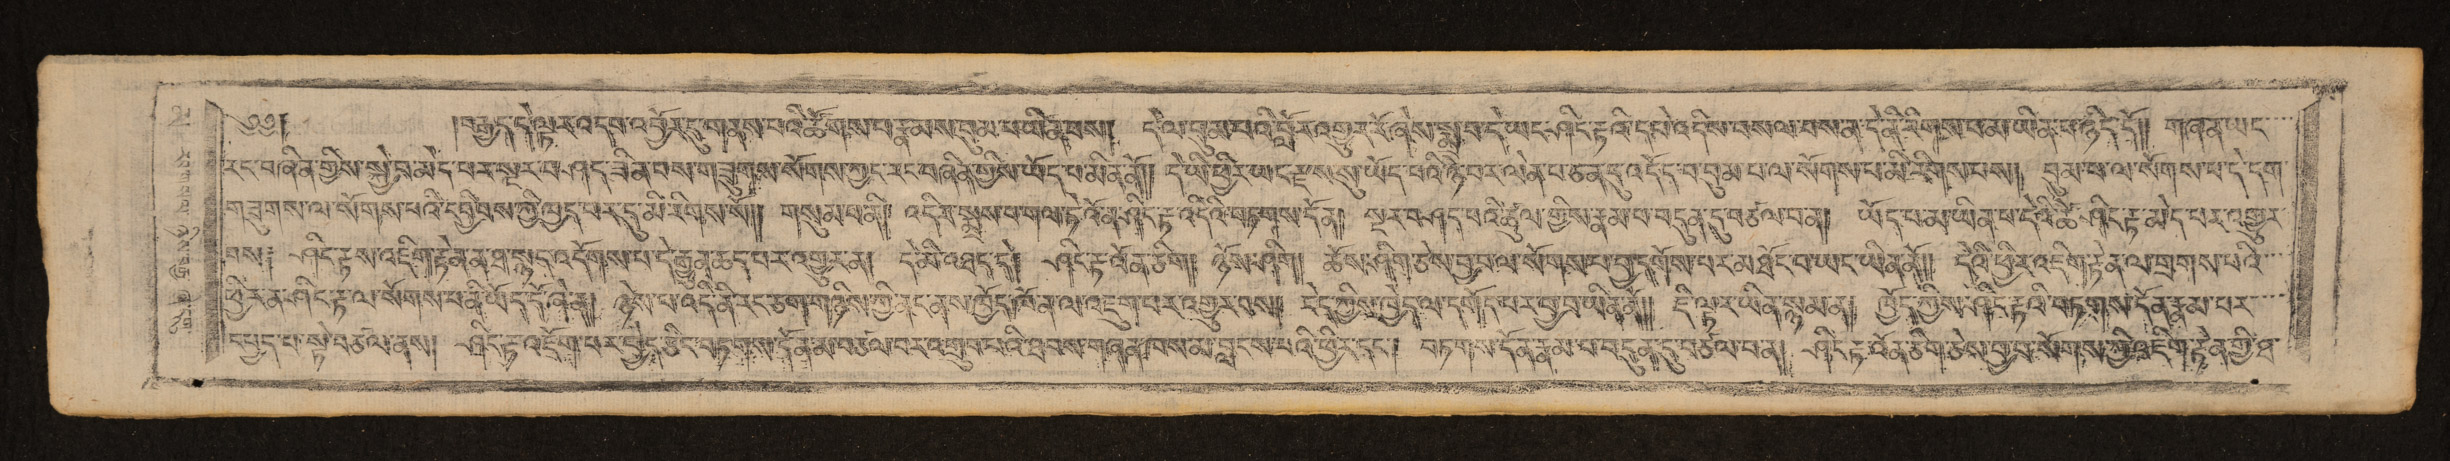༄༅། །བརྒྱད་དེ་ལྟར་འདབ་འབྱོར་དུ་གནས་པའི་ཚོགས་པ་རྣམས་བུམ་པ་ཡིན་པས། དེ་ལ་བུམ་པའི་བློར་འགྱུར་རོ་ཞེས་སྨྲ་བ་དེ་ཡང་ཤིང་རྟའི་དཔེ་འདིས་བསལ་བས་ན་དེ་ནི་རིགས་པ་མ་ཡིན་པ་ཉིད་དོ།། གཞན་ཡང་
རང་བཞིན་གྱིས་སྐྱེ་བ་མེད་པར་སྔར་བཤད་ཟིན་པས་གཟུགས་སོགས་ཀྱང་རང་བཞིན་གྱིས་ཡོད་པ་མིན་ནོ།། དེ་ཡི་ཕྱིར་ཡང་རྫས་སུ་ཡོད་པའི་ཉེ་བར་ལེན་པ་ཅན་དུ་འདོད་པ་བུམ་པ་ལ་སོགས་པ་མི་རིགས་པས། བུམ་པ་ལ་སོགས་པ་དེ་དག་
གཟུགས་ལ་སོགས་པའི་དབྱིབས་ཀྱི་ཁྱད་པར་དུ་མི་རིགས་སོ།། གསུམ་པ་ནི། འདིར་སྨྲས་པ་གལ་ཏེ་འོ་ན་ཤིང་རྟ་འདིའི་བཏགས་དོན། སྔར་བཤད་པའི་ཚུལ་གྱིས་རྣམ་པ་བདུན་དུ་བཙལ་བ་ན། ཡོད་པ་མ་ཡིན་པ་དེའི་ཚེ་ཤིང་རྟ་མེད་པར་འགྱུར་
བས༑ ཤིང་རྟས་འཇིག་རྟེན་ན་ཐ་སྙད་འདོགས་པ་དེ་རྒྱུན་ཆད་པར་འགྱུར་ན། དེ་མི་འཐད་དེ། ཤིང་རྟ་འོན་ཅིག། ཉོས་ཤིག། འཆོས་ཤིག་ཅེས་བྱ་བ་ལ་སོགས་པ་བྱ་དགོས་པར་མཐོང་བ་ཡང་ཡིན་ནོ།། དེའི་ཕྱིར་འཇིག་རྟེན་ལ་གྲགས་པའི་
ཕྱིར་ན་ཤིང་རྟ་ལ་སོགས་པ་ནི་ཡོད་དོ་ཞེ་ན། ཉེས་པ་འདི་ནི་རང་ཅག་གཉིས་ཀྱི་ནང་ནས་ཁྱོད་ཁོ་ན་ལ་འཇུག་པར་འགྱུར་བས། ངེད་ཀྱིས་ཁྱེད་ལ་དགོད་པར་བྱ་བ་ཡིན་ནོ།། ཇི་ལྟར་ཡིན་སྙམ་ན། ཁྱོད་ཀྱིས་ཤིང་རྟའི་བཏགས་དོན་རྣམ་པར་
དཔྱད་པ་སྟེ་བཙལ་ནས། ཤིང་རྟ་འཇོག་པར་བྱེད་ཅིང་བཏགས་དོན་མ་བཙལ་བར་འགྲུབ་པའི་ཐབས་གཞན་ཁས་མ་བླངས་པའི་ཕྱིར་དང་། བཏགས་དོན་རྣམ་པ་བདུན་དུ་བཙལ་བ་ན། ཤིང་རྟ་འོན་ཅིག་ཅེས་བྱ་བ་སོགས་ཀྱི་འཇིག་རྟེན་གྱི་ཐ་